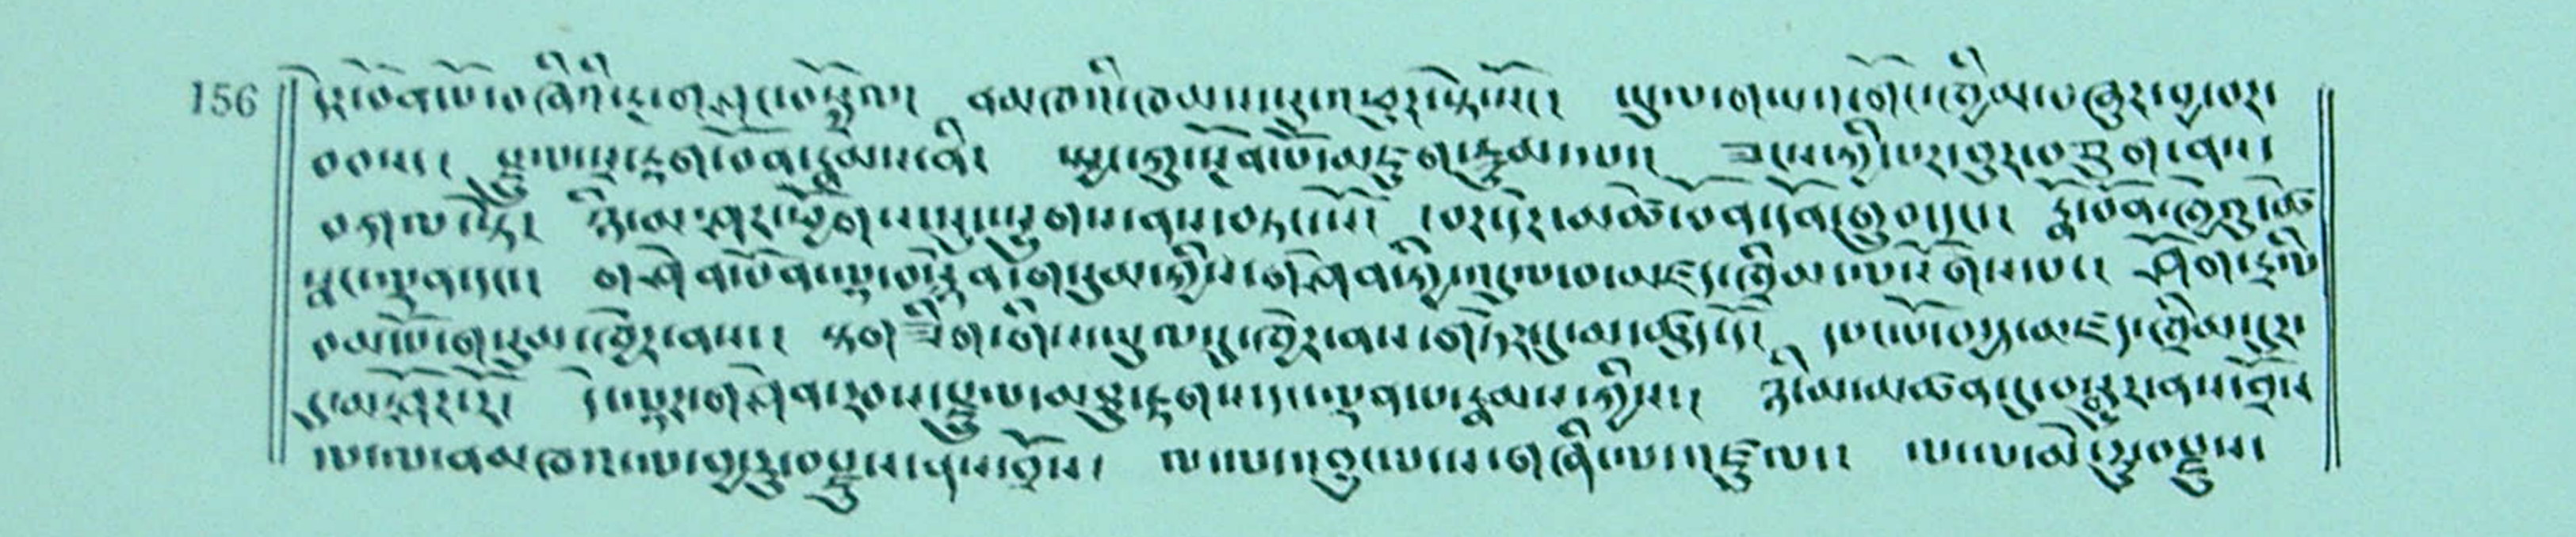དེར་བོན་པོ་བཞིའི་རྔ་གཤང་བསྐྲོལ། ནམ་མཁའི་ཁམས་སུ་འཕུར་ཏེ་སོང་། ཡུལ་གཡའ་གོང་ཁྱིམ་བཞུར་བྱ་བར་
བབས། རྫུ་འཕྲུལ་པྲ་རྟག་བོན་རྣམས་ནི། སྤྱང་ཀི་སྔོན་པོ་མཇུག་སྡུམ་དང་། ཟངས་ཀྱི་པར་བུར་བཅུག་ནས་
བཀལ་ཏེ། ཉི་མ་ཤར་ཕྱོགས་སུ་སྤྱུགས་ནས་བཏངས་སོ། བར་དེར་མཚེ་བོན་དོན་གྲུབ་དང་། རྣོ་བོན་ཁྱེའུ་ཚེ་
སྣང་ལྡན་དང་། གཤེན་བོན་ལྷ་བསྙེན་གསུམ་གྱིས་གཤེན་གྱི་འདུལ་བ་མཛད་ཁྲིམས་ལས་སོགས་པ། ཤོག་དྲིལ་
བམ་པོ་གསུམ་ཁྱེར་ནས། སྟག་གཟིག་གི་ཡུལ་དུ་ཁྱེར་ནས་གཏེར་དུ་མ་ཚུད་དོ། །དཔང་པོ་བརྒྱད་མཛད་ཁྲིམས་དུར་
དུ་མ་ཤོར་རོ། །དེ་ལྟར་གཤེན་རབ་རྫུ་འཕྲུལ་མཐུ་རྟགས་དང་ལྡན་པ་རྣམས་ཀྱིས། ཉི་མ་མཚན་དུ་བསྒྱུར་ནས་བྲོས། །
ལ་ལ་ནམ་མཁའ་ལ་བྱ་རུ་བརྫུས་ནས་བྲོས། ལ་ལ་འབྱུང་བ་ས་གཞི་ལ་འཛུལ། ལ་ལ་མེ་རུ་བརྫུས་